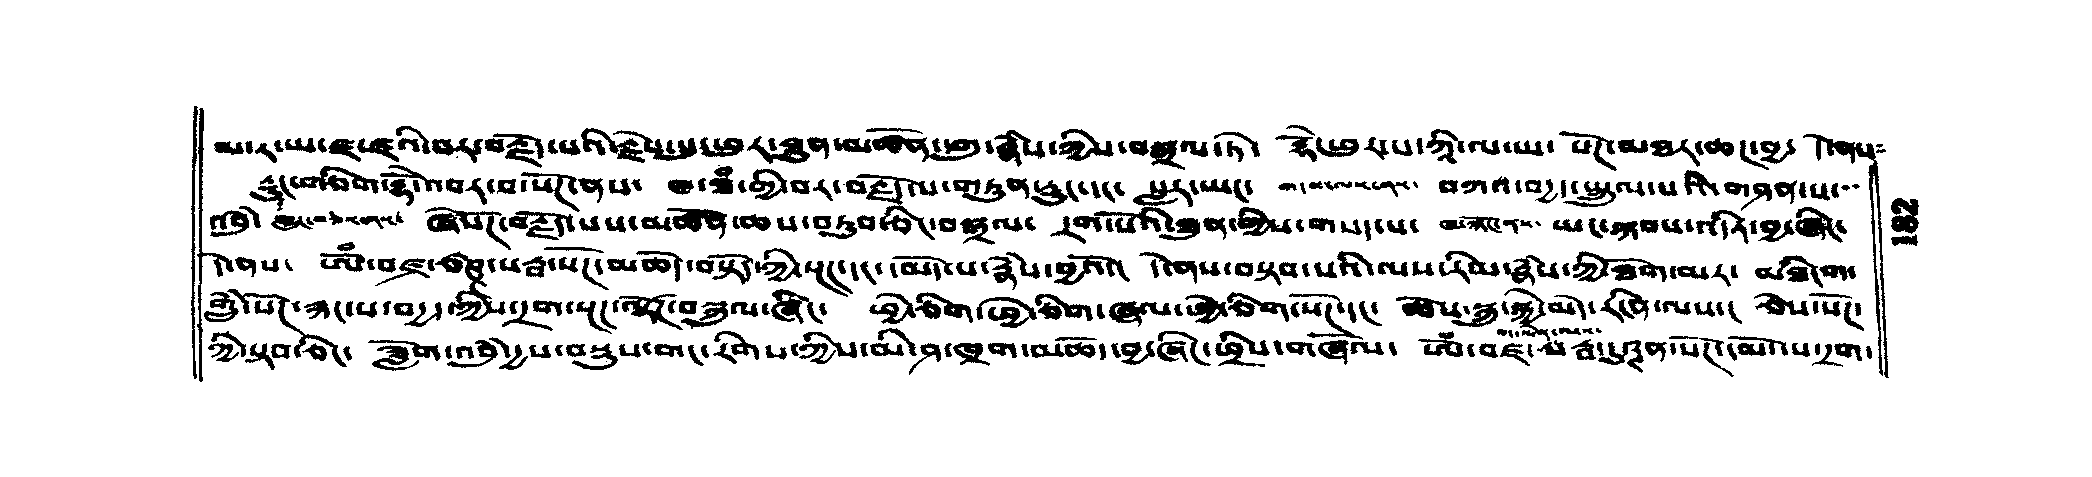མ་ར་ཡ་ཛ་ཛའི་བར་བརྗོད་པའི་རྗེས་སུ་ཕུར་ཐུན་མཚོན་དགུ་རྣམས་ཀྱིས་བསྒྲལ་ཏེ། གདབ་ལས་ནས་རྡོ་རྗེ་ཕུར་པ་ཀཱི་ལ་ཡ། སོགས་མཐར་ཆགས་བྱ། དེ་ནས་
ཁྱུང་བཅས་ནས་རྡུང་གཅིག་རྡོ་རྗེ་འབར་བ་སོགས་ནས། ཁ་ཐཾ་གྱི་བར་བརྗོད་པ་གཏུན་རུང་དང་། སླར་ཡང་ཁ་སྐོང་ནས་བཀའ་བརྒྱད་སྤྲུལ་པའི་བཤན་པ་
འབུམ་ཞེས་སོགས་བརྗོད་པས་མཚོན་ཆས་བཏུབ་ཅིང་བསྒྲལ། དྲག་པོའི་ཐུན་གྱིས་གསད་པ་ཡང་སྐབས་འདིར་བྱ་ཞིང་། 
དེ་ནས་ཨོཾ་བཛྲ་ཙཎྜ་སརྦ་སོགས་མཆོད་བསྟོད་ཀྱི་སྔགས་དང་དམོད་པ་རྣམས་བྱའོ། དེ་ནས་བསྟབ་པའི་ལས་རིམ་རྣམས་ཀྱི་ཐོག་མར། མཐིང་ནག་
གླེགས་བམ་སོགས་རྐང་པ་བརྒྱད་ཀྱིས་དྲག་སྔགས་ལྷ་ཚོགས་བསྐུལ་ཞིང་། ཕྱེ་ཅིག་ཕྱེ་ཅིག་ཞལ་ཕྱེ་ཅིག་སོགས་དང་། ལག་ལེན་ལས་ཆོས་སྐུ་སྐྱེ་མཻད་རང་བཞིན་ལས། ཅེས་སོགས་
ཀྱི་སྟབ་ཅིང་། ཟློག་འབུམ་རྒྱས་བསྡུས་གང་རིགས་ཀྱིས་མི་ཤ་ཁྲག་མཆོད་བྱ་ཞིང་ཕྲིན་ལས་གཞོལ། ཨོཾ་བཛྲ་སརྦ་དུཥྚན་སོགས་དམོད་པ་དྲག་